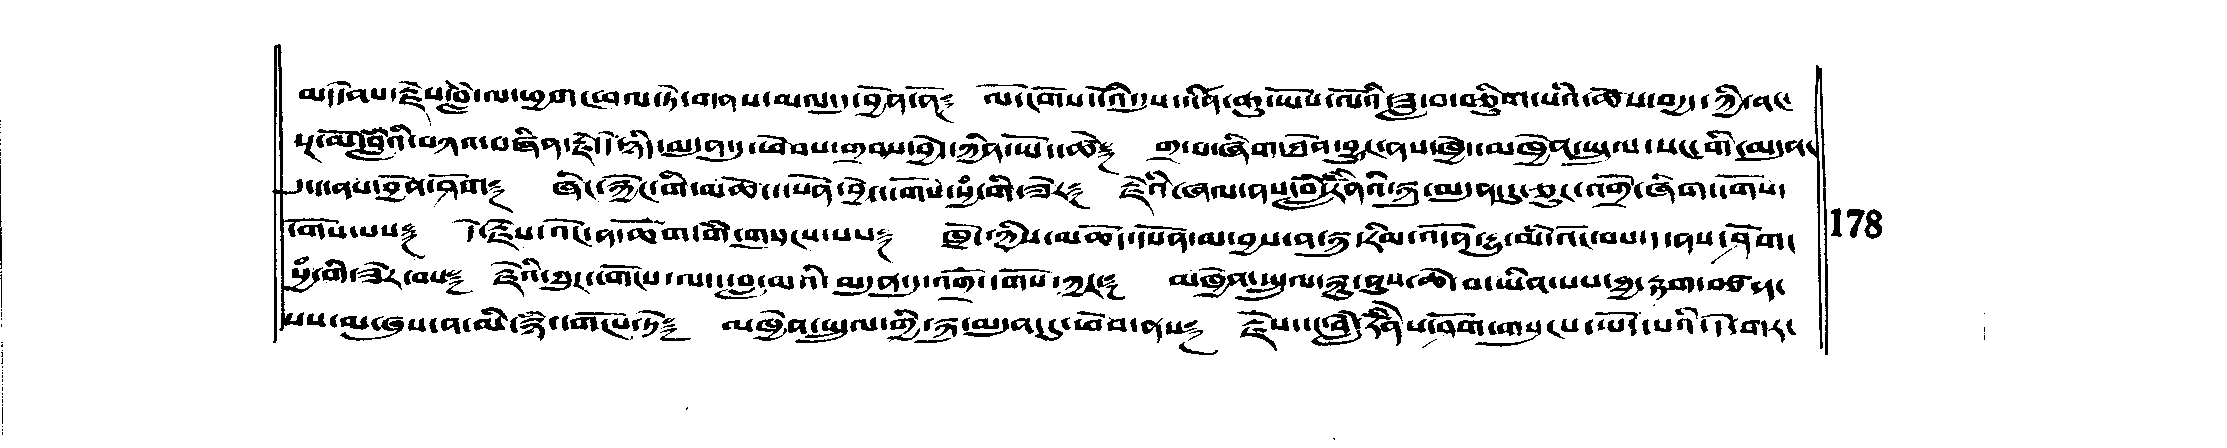མཛད་ནས་རྗེས་བླ་མ་ལ་ཕྱག་ཕུལ་ཏེ་གནས་མལ་དུ་བྱོན་ནོ། ལོ་ངོགས་དེའི་དུས་འཛིན་ཆུ་ཡོས་ལོའི་ཟླ་བ་བཅུ་གཅིག་པའི་ཚེས་བརྒྱད་ཀྱི་ནངས་
སྔ་མོ་བླ་མའི་བཀའ་བཞིན་རྗེ་དེ་ཉིད་མདུན་དུ་ཕེབས་གྲབས་བྱེད་ཀྱིན་ཡོད་ཚེ། གྲྭ་པ་ཞིག་ཐོན་བྱུང་ནས་ཁྱེད་མཁྱེན་སྤྲུལ་སང་གི་མདུན་
དུ་ད་ནས་བྱོན་ཤོག ཞིང་སྐྱོང་གི་མཆོད་དཔོན་བྱེད་དགོས་གསུང་གི་ཟེར། རྗེའི་ཞལ་ནས་བླ་མ་རིན་པོ་ཆེའི་སྐུ་མདུན་དུ་ཅུང་འགྲོ་ཞིག་དགོས་
དགོས་པས། དེ་རྗེས་འོང་ན་ཆོག་གི་གསུངས་པས། ཁྱོད་ཀྱིས་མཆོད་དཔོན་མ་བྱས་ན་སྐུ་རིམ་འདོན་རྒྱུ་མི་འོང་བས་ད་ནས་ཤོག་
གསུང་གི་ཟེར་བས། རྗེའི་ཐུགས་དགོངས་ལ་ད་བླ་མའི་མདུན་དུ་འགྲོ་དགོས་ཀྱང་། མཁྱེན་སྤྲུལ་སྐུ་ནུས་ཆེ་བ་ཡིན་པས་ཐུགས་རྟག་བཙན་
པས་མ་ཞུས་ན་མི་སྙམ་དགོངས་ཏེ། མཁྱེན་སྤྲུལ་གྱི་སྐུ་མདུན་དུ་ཕེབས་ནས། རྗེས་དང་བླ་མ་རིན་པོ་ཆེས་ཤོག་གསུངས་ཡོད་པས་དེ་གར་